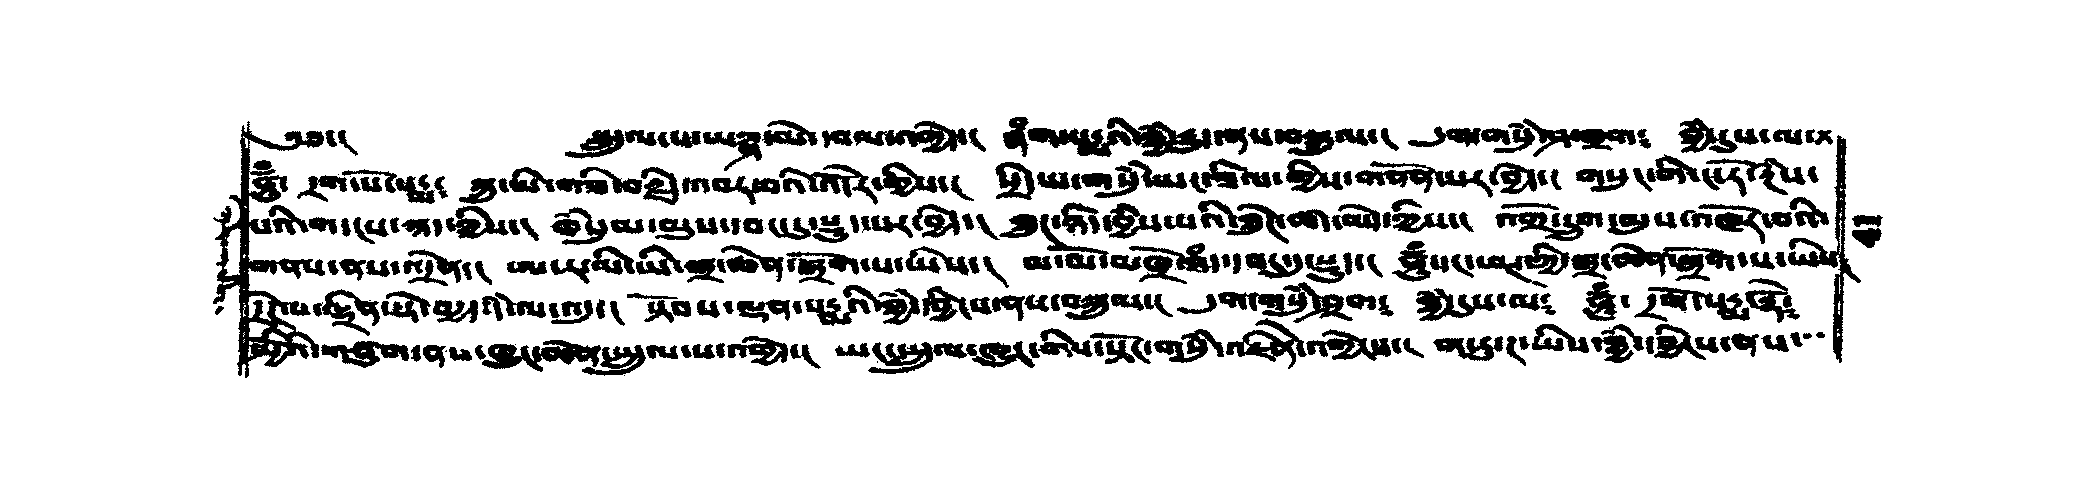སྤྲུལ་པ་ཡཀྴ་མེ་དབལ་འགྱེད། །རྣམ་དག་པདྨའི་ཐུགས་དམ་རྒྱུད་ནས་བསྐུལ། །དུག་གསུམ་ཤ་ཁྲག་༴ ཐུགས་དམ་དུས་ལ་༴ 
ཧཱུྃ། དྲག་པོ་པདྨ་༴ སྐུ་ཡི་གཟི་བརྗིད་འབར་བའི་འོད་ཟེར་གྱིས། །སྲིད་པ་གསུམ་ཡང་ཟིལ་གྱིས་གནོན་པར་བྱེད། ། གསུང་གི་ང་རོ་རྔམས་
པའི་གདངས་སྐད་ཀྱིས། །ཁམས་གསུམ་མ་ལུས་དབང་དུ་སྡུད་པར་བྱེད། །ཐུགས་ཉིད་འབྱམས་པའི་ཐུགས་རྗེ་ཚད་མེད་ཀྱིས། །འགྲོ་དྲུག་མ་ལུས་འཁོར་བའི་
གནས་ནས་འདྲེན། །ཨ་ར་ལི་ཡི་སྒྲ་ཆེན་སྒྲོག་པ་ཡིས། །མ་མོ་མཁའ་འགྲོ་ཐམས་ཅད་དབང་དུ་སྡུད། ཧཱུྃ་དང་ཕཊ་ཀྱི་སྒྲ་ཆེན་སྒྲོག་པ་ཡིས། །
དྲེགས་པ་ལྷ་སྲིན་སྡེ་བརྒྱད་དམ་ལ་བཏགས། །སྟོབས་ལྡན་པདྨའི་ཐུགས་དམ་དབྱིངས་ནས་བསྐུམ། །དུག་གསུམ་ཤ་ཁྲག་༴ ཐུགས་དམ་དུས་ལ་༴ ཧཱུྃ། དྲག་པོ་པདྨ་རྡོ་རྗེ་༴ 
སྤྱི་བོའི་གཙུག་ནས་ཁྱུང་ཆེན་སྤྲུལ་པ་འགྱེད། །ཡང་སྤྲུལ་ཁྱུང་གིས་སྟོང་གསུམ་འཇིག་རྟེན་འགྱེངས། །ག་རུ་ཌ་ཡིས་ཐུགས་དམ་དབྱིངས་ནས་